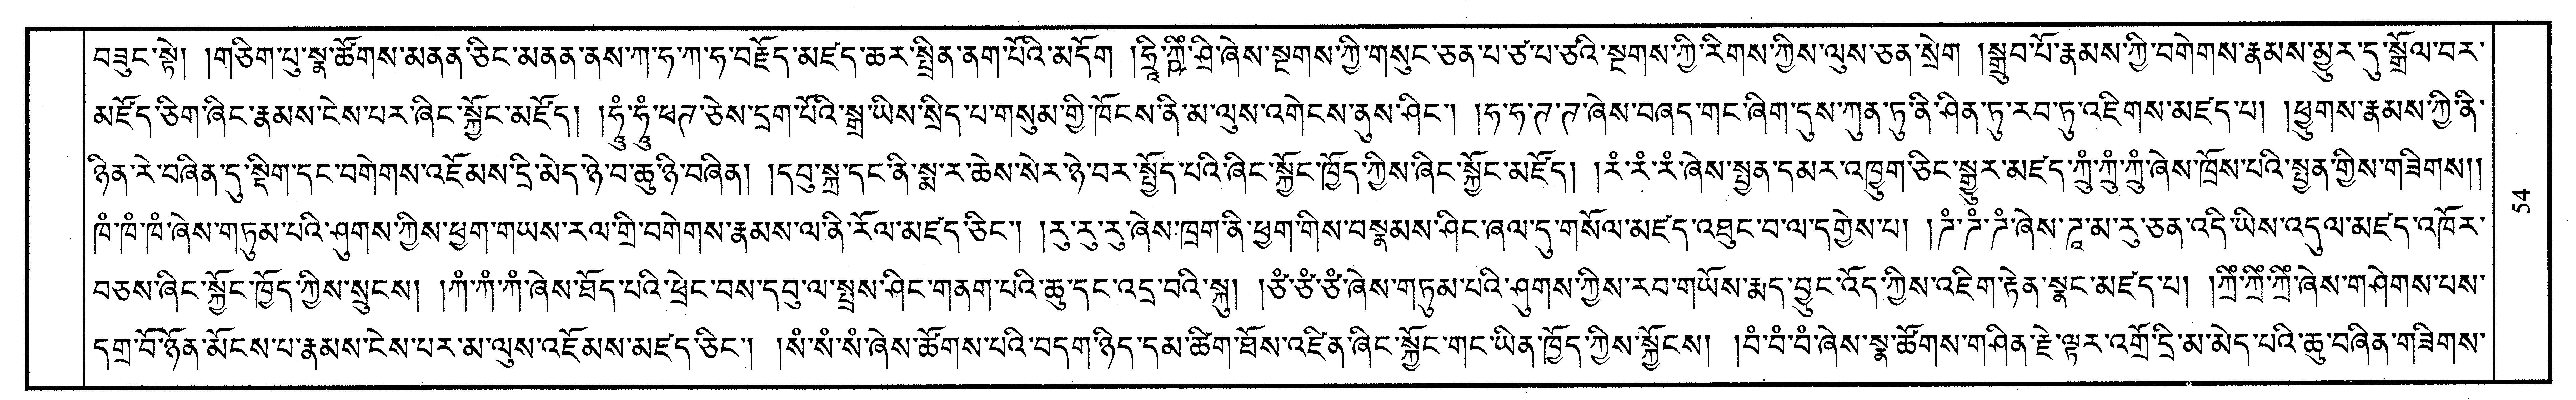བཟུང་སྟེ། །གཅིག་པུ་སྣ་ཚོགས་མནན་ཅིང་མནན་ནས་ཀ་ཧ་ཀ་ཧ་བརྗོད་མཛད་ཆར་སྤྲིན་ནག་པོའི་མདོག །ཧྲཱི་ཀྵིཾ་ཤྲི་ཞེས་སྔགས་ཀྱི་གསུང་ཅན་པ་ཙ་པ་ཅའི་སྔགས་ཀྱི་རིགས་ཀྱིས་ལུས་ཅན་སྲེག །སྒྲུབ་པོ་རྣམས་ཀྱི་བགེགས་རྣམས་མྱུར་དུ་སྒྲོལ་བར་
མཛོད་ཅིག་ཞིང་རྣམས་ངེས་པར་ཞིང་སྐྱོང་མཛོད། །ཧཱུཾ་ཧཱུཾ་ཕཊ་ཅེས་དྲག་པོའི་སྒྲ་ཡིས་སྲིད་པ་གསུམ་གྱི་ཁོངས་ནི་མ་ལུས་འགེངས་ནུས་ཤིང་། །ཧ་ཧ་ཊ་ཊ་ཞེས་བཞད་གང་ཞིག་དུས་ཀུན་ཏུ་ནི་ཤིན་ཏུ་རབ་ཏུ་འཇིགས་མཛད་པ། །ཕྱུགས་རྣམས་ཀྱི་ནི་
ཉིན་རེ་བཞིན་དུ་སྡིག་དང་བགེགས་འཇོམས་དྲི་མེད་ཉེ་བ་ཆུ་ཉི་བཞིན། །དབུ་སྐྲ་དང་ནི་སྨ་ར་ཆེས་སེར་ཉེ་བར་སྤྱོད་པའི་ཞིང་སྐྱོང་ཁྱོད་ཀྱིས་ཞིང་སྐྱོང་མཛོད། །རཾ་རཾ་རཾ་ཞེས་སྤྱན་དམར་འཁྱུག་ཅིང་སྒྱུར་མཛད་ཀྲུཾ་ཀྲུཾ་ཀྲུཾ་ཞེས་ཁྲོས་པའི་སྤྱན་གྱིས་གཟིགས།།
ཁཾ་ཁཾ་ཁཾ་ཞེས་གཏུམ་པའི་ཤུགས་ཀྱིས་ཕྱག་གཡས་རལ་གྲི་བགེགས་རྣམས་ལ་ནི་རོལ་མཛད་ཅིང་། །རུ་རུ་རུ་ཞེས་ཁྲག་ནི་ཕྱག་གིས་བསྣམས་ཤིང་ཞལ་དུ་གསོལ་མཛད་འཐུང་བ་ལ་དགྱེས་པ། ཌཾ་ཌཾ་ཌཾ་ཞེས་ཌཱ་མ་རུ་ཅན་འདི་ཡིས་འདུལ་མཛད་འཁོར་
བཅས་ཞིང་སྐྱོང་ཁྱོད་ཀྱིས་སྲུང་། །ཀཾ་ཀཾ་ཀཾ་ཞེས་ཐོད་པ་ཕྲེང་བས་དབུ་ལ་སྤྲས་ཤིང་གནག་པའི་ཆུ་དང་འདྲ་བའི་སྐུ། །ཙཾ་ཙཾ་ཙཾ་ཞེས་གཏུམ་པའི་ཤུགས་ཀྱིས་རབ་གཡོས་རྨད་བྱུང་འོད་ཀྱིས་འཇིག་རྟེན་སྣང་མཛད་པ། །ཀྲིཾ་ཀྲིཾ་ཀྲིཾ་ཞེས་གཤེགས་པས་
དགྲ་བོ་ཉོན་མོངས་པ་རྣམས་ངེས་པར་མ་ལུས་འཇོམས་མཛད་ཅིང་། །སཾ་སཾ་སཾ་ཞེས་ཚོགས་པའི་བདག་ཉིད་དམ་ཚིག་ཐོས་འཛིན་ཞིང་སྐྱོང་གང་ཡིན་ཁྱོད་ཀྱིས་སྐྱོངས། །བཾ་བཾ་བཾ་ཞེས་སྣ་ཚོགས་གཤིན་རྗེ་ལྟར་འགྲོ་དྲི་མ་མེད་པའི་ཆུ་བཞིན་གཟིགས་